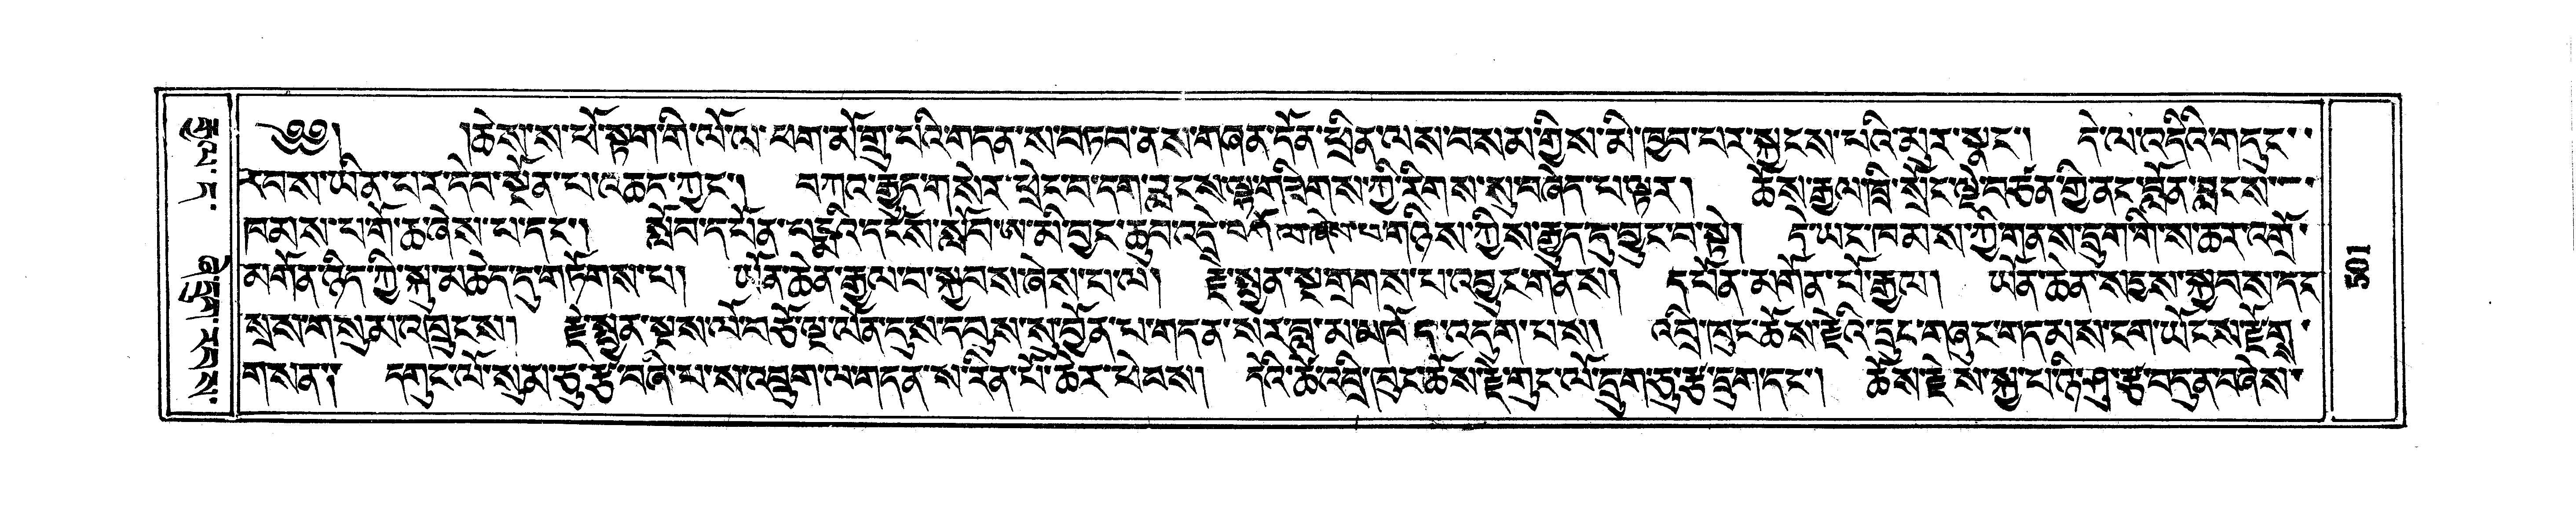༄༅། །ཆེས་ས་ཕོ་སྟག་གི་ལོ་ལ་ཕག་མོ་གྲུ་པའི་གདན་ས་བཏབ་ནས་གཞན་དོན་ཕྲིན་ལས་བསམ་གྱིས་མི་ཁྱབ་པར་སྐྱངས་པའི་མུར་སྣང་། དེ་ལ་འདིའི་གདུང་
རབས་ཡིན་པར་དེབ་སྔོན་པ་འཆད་ཀྱང་། བཀའ་རྒྱུད་གསེར་ཕྲེང་བ་དག་རླངས་ལྷ་གཟིགས་ཀྱི་རིགས་སུ་བཞེད་པ་ལྟར། ཆོས་རྒྱལ་ཁྲི་སྲོང་ལྡེ་བཙན་གྱི་ནང་བློན་བླངས་
ཁམས་པ་གོ་ཆ་ཞེས་པ་དང་། སློབ་དཔོན་པདམའི་དངོས་སློབ་ཨ་མི་བྱང་ཆུབ་འདྲེ་བཀོལ་ཞེས་པ་གཉིས་ཀྱིས་རྒྱུད་དུ་བྱུང་བ་སྟེ། དེ་ཡང་ཁམས་ཀྱི་གནས་དྲུག་གི་ས་ཆར་འགྲོ་
མགོན་ཉིད་ཀྱི་སྐུ་མཆེད་དུ་གཏོགས་པ། ཡོན་ཆེན་རྒྱལ་བ་སྐྱབས་ཞེས་པ་ལ། རྗེ་སྤྱན་སྔ་གྲགས་པ་འབྱུང་གནས། དཔོན་མགོན་པོ་རྒྱལ། ཡོན་ཆེན་སངས་རྒྱས་སྐྱབས་དང་
སྲས་གསུམ་འཁྲུངས། རྗེ་སྤྱན་སྔས་ལོ་བཅོ་ལྔ་ལོན་དུས་དབུས་སུ་བྱོན་པ་གདན་སར་བླ་མ་མཁོད་འདུག་པས། འབྲི་ཁུང་ཆོས་རྗེའི་དྲུང་གཞུང་གདམས་ངག་ཡོངས་རྫོགས་
གསན༑ དགུང་ལོ་སུམ་ཅུ་རྩ་བཞི་པ་ས་འབྲུག་ལ་གདན་ས་རིན་པོ་ཆེར་ཕེབས། དེའི་ཚེ་འབྲི་ཁུང་ཆོས་རྗེ་གུང་ལོ་དྲུག་ཅུ་རྩ་དྲུག་དང་། ཆོས་རྗེས་སྐྱ་པ་ཉི་ཤུ་རྩ་བདུན་བཞེས་